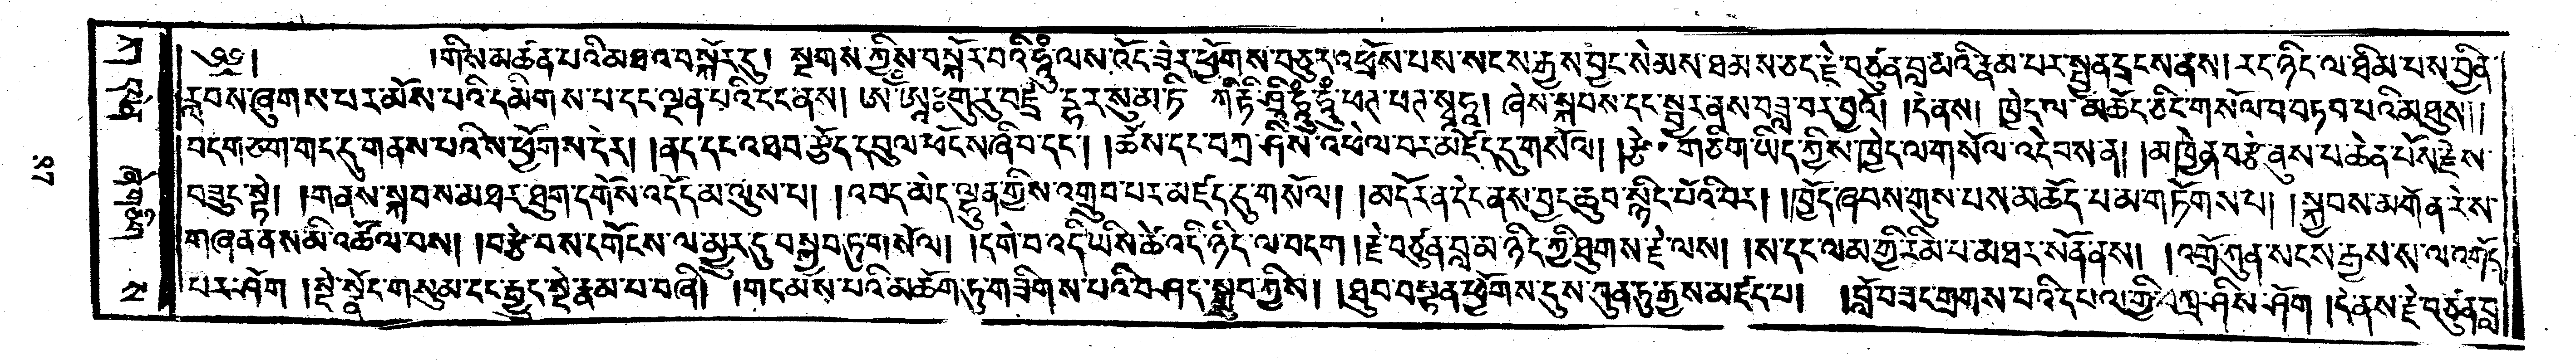༄༅། །གིས་མཚན་པའི་མཐའ་བསྐོར་དུ། སྔགས་ཀྱིས་བསྐོར་བའི་ཧཱུཾ་ལས་འོད་ཟེར་ཕྱོགས་བཅུར་འཕྲོས་པས་སངས་རྒྱས་བྱང་སེམས་ཐམས་ཅད་རྗེ་བཙུན་བླ་མའི་རྣམ་པར་སྤྱན་དྲངས་ནས། རང་ཉིད་ལ་ཐིམ་པས་བྱིན་
རླབས་ཞུགས་པར་མོས་པའི་དམིགས་པ་དང་ལྡན་པའི་ངང་ནས། ཨོཾ་ཨཱཿ གུ་རུ་བཛྲ་དྷ་ར་སུ་མ་ཏི་ཀིརྟི་ཤྲཱི་ཧཱུཾ་ཧཱུཾ་ཕཊ་ཕཊ་སྭཱཧཱ། ཞེས་སྐབས་དང་སྦྱར་ནས་བཟླ་བར་བྱའོ། །དེ་ནས། ཁྱེད་ལ་མཆོད་ཅིང་གསོལ་བ་བཏབ་པའི་མཐུས།།
བདག་ཅག་གང་དུ་གནས་པའི་ས་ཕྱོགས་དེར། །ནད་དང་འཐབ་རྩོད་དབུལ་ཕོངས་ཞིབ་དང་། །ཆོས་དང་བཀྲ་ཤིས་འཕེལ་བར་མཛེད་དུ་གསོལ། །རྩེ་གཅིག་ཡིད་ཀྱིས་ཁྱེད་ལ་གསོལ་འདེབས་ན། །མཁྱེན་བརྩེ་ནུས་པ་ཆེན་པོས་རྗེས་
བཟུང་སྟེ། །གནས་སྐབས་མཐར་ཐུག་དགོས་འདོད་མ་ལུས་པ། །འབད་མེད་ལྷུན་གྱིས་འགྲུབ་པར་མཛད་དུ་གསོལ། །མདོར་ན་དེང་ནས་བྱང་ཆུབ་སྙིང་པོའི་བར། །ཁྱོད་ཞབས་གུས་པས་མཆོད་པ་མ་གཏོགས་པ། །སྐྱབས་མགོན་རེས་
གཞན་ནས་མི་འཚོལ་བས། །བརྩེ་བས་དགོངས་ལ་མྱུར་དུ་བསྐྱབ་ཏུ་གསོལ། །དགེ་བ་འདི་ཡིས་ཚེ་འདི་ཉིད་ལ་བདག །རྗེ་བཙུན་བླ་མ་ཉིད་ཀྱི་ཐུགས་རྗེ་ལས། །ས་དང་ལམ་གྱི་རིམ་པ་མཐར་སོན་ནས། །འགྲོ་ཀུན་སངས་རྒྱས་ས་ལ་འགོད་
པར་ཤོག །སྡེ་སྣོང་གསུམ་དང་རྒྱུད་སྡེ་རྣམ་པ་བཞི། །གདམས་པའི་མཆོག་ཏུ་གཟིགས་པའི་བཤད་སྒྲུབ་ཀྱིས། །ཐུབ་བསྟན་ཕྱོགས་དུས་ཀུན་ཏུ་རྒྱས་མཛད་པ། །བློ་བཟང་གྲགས་པའི་དཔལ་གྱི་བཀྲ་ཤིས་ཤོག །དེ་ནས་རྗེ་བཙུན་བླ་